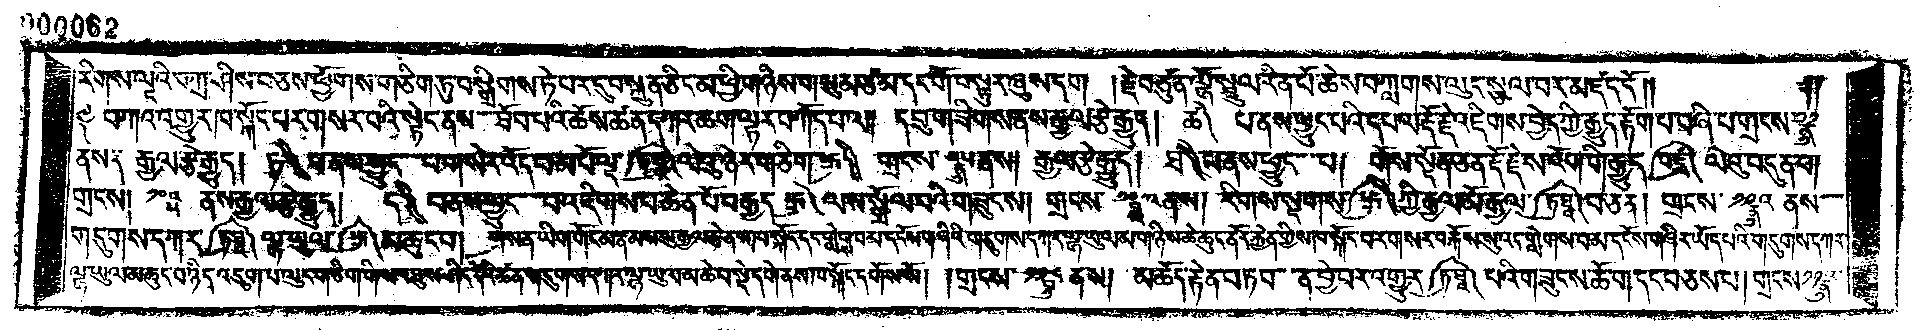རིགས་ལྔའི་བཀྲ་ཤིས་བཅས་ཕྱོགས་གཅིག་ཏུ་བསྒྲིགས་ཏེ་པར་དུ་བསྐྲུན་ཅིང་མ་ཕྱི་གཉིས་གསུམ་ཙམ་དང་གོ་བསྟུར་ཞུས་དག །རྗེ་བཙུན་ལྷོ་སྤྲུལ་རིན་པོ་ཆེས་བཀླགས་ལུང་སྩལ་བར་མཛད་དོ།། །།
༈ བཀའ་འགྱུར་ཁ་སྐོང་པར་གསར་བའི་སྟེང་ནས་ཐོབ་པའི་ཆོས་ཚན་དཀར་ཆག་ལྟར་བཀོད་པ་ལ། དབུ་གཟིགས་ནས་རྒྱལ་རྩེ་རྒྱུད། ཚ་པ་ནས་ཕྱུང་པའི་དཔལ་རྡོ་རྗེ་འཇིགས་བྱེད་ཀྱི་རྒྱུད་རྟོག་པ་བཞི་པ་གྲངས ༡༢ན༡
ནས༑ རྒྱལ་རྩེ་རྒྱུད། ཏ༼༽ པ་ནས་ཕྱུང་པ་གསེར་འོད་བམ་པོ་ལྔ་༼ཏ་ཐཱ༽་ལེའུ་ཉེར་གཅིག་གྲངས ༢༥ན༦་ནས། རྒྱལ་རྩེ་རྒྱུད། ཐ༼༽ པ་ནས་ཕྱུང་པ། གོས་སྡོན་ཅན་རྡོ་རྗེ་ས་འོག་གི་རྒྱུད་༼བྫྲ༽་ལེའུ་བདུན་པ།
གྲངས། ༡༠༢༥་ནས་རྒྱལ་རྩེ་རྒྱུད། ད༼༽ པ་ནས་ཕྱུང་བ་འཇིགས་པ་ཆེན་པོ་བརྒྱུད་ལས་སྒྲོལ་བའི་གཟུངས། གྲངས ༡༠༣བ༣་ནས། རིགས་སྔགས་ཀྱི་རྒྱལ་མོ་རྒྱལ་༼ཏ་ཐཱ༽་བ་ཅན། གྲངས ༡༡༢ན༡་ནས་
གདུགས་དཀར་༼ཏ་ཐཱ༽་ལྷ་ཡུལ་མ་ཆུང་བ་གསན་ཡིག་གོང་མ་རྣམས་སུ་རྒྱལ་རྩེ་ནས་ཁ་སྐོང་དང་གླེགས་བམ་དངོས་གཞིའི་གདུགས་དཀར་ལྷ་ཡུལ་མ་གཉིས་ཆེ་ཆུང་ནོར་རྐྱེན་གྱིས་ཁ་སྐོང་པར་གསར་བརྐོས་སུ་འང་གླེགས་བམ་དངོས་གཞིར་ཡོད་པའི་གདུགས་དཀར་
ལྷ་ཡུལ་མ་ཆུང་བ་ཉིད་འདུག་པ་ལུང་གཅིག་གིས་འཐུས་ཤིང་དེའི་ཚན་གདུགས་དཀར་ལྷ་ཡུལ་མ་ཆེ་བ་སྡེ་དགེ་ནས་ཁ་སྐོང་དགོས་སོ། །གྲངས ༡༡༨བ༡་ནས། མཆོད་རྟེན་བཏབ་ན་བྱེ་བར་འགྱུར་༼ཏཐཱ༽་པའི་གཟུངས་ཆོ་ག་དང་བཅས་པ། གྲངས ༡༡༢ན?